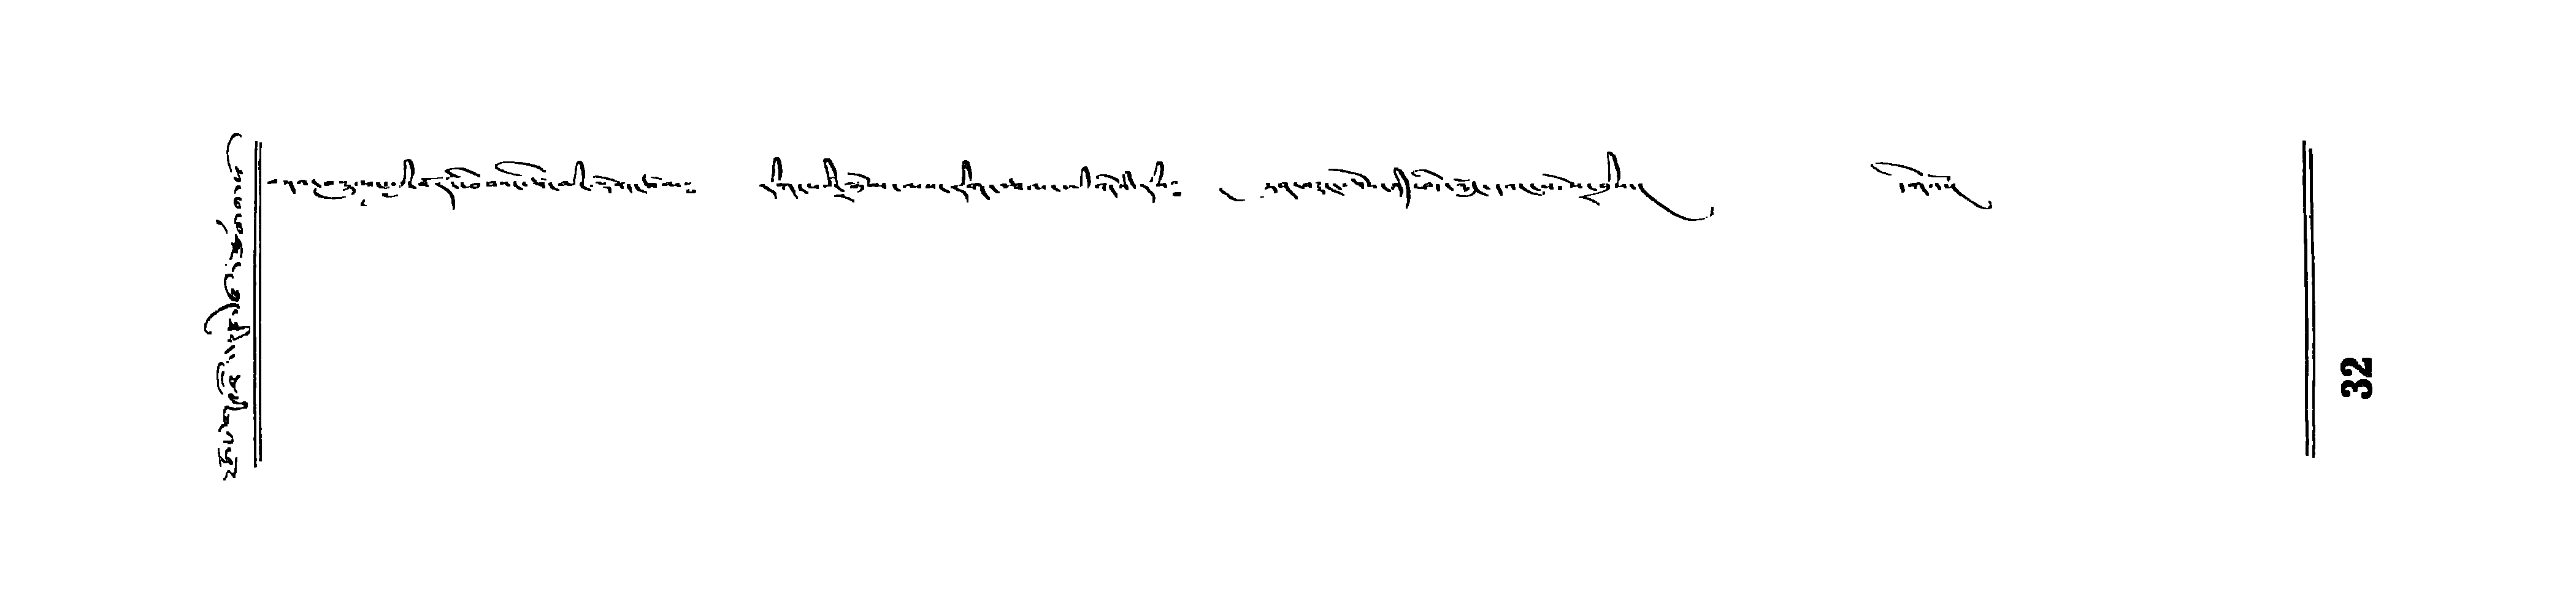།བཀའ་བསྐུལ་སྤྱི་བོར་ཕེབས་ཚེ་མི་ལྡོག་ཙམ། །རིག་པའི་སྒྲོམ་ལས་རིག་རྩལ་ཡི་གེའི་རིས། །ཀུན་བཟང་ཆོས་ཉིད་བདེ་སྐྱོང་དབང་མོས་བྲིས། དགེའོ།།